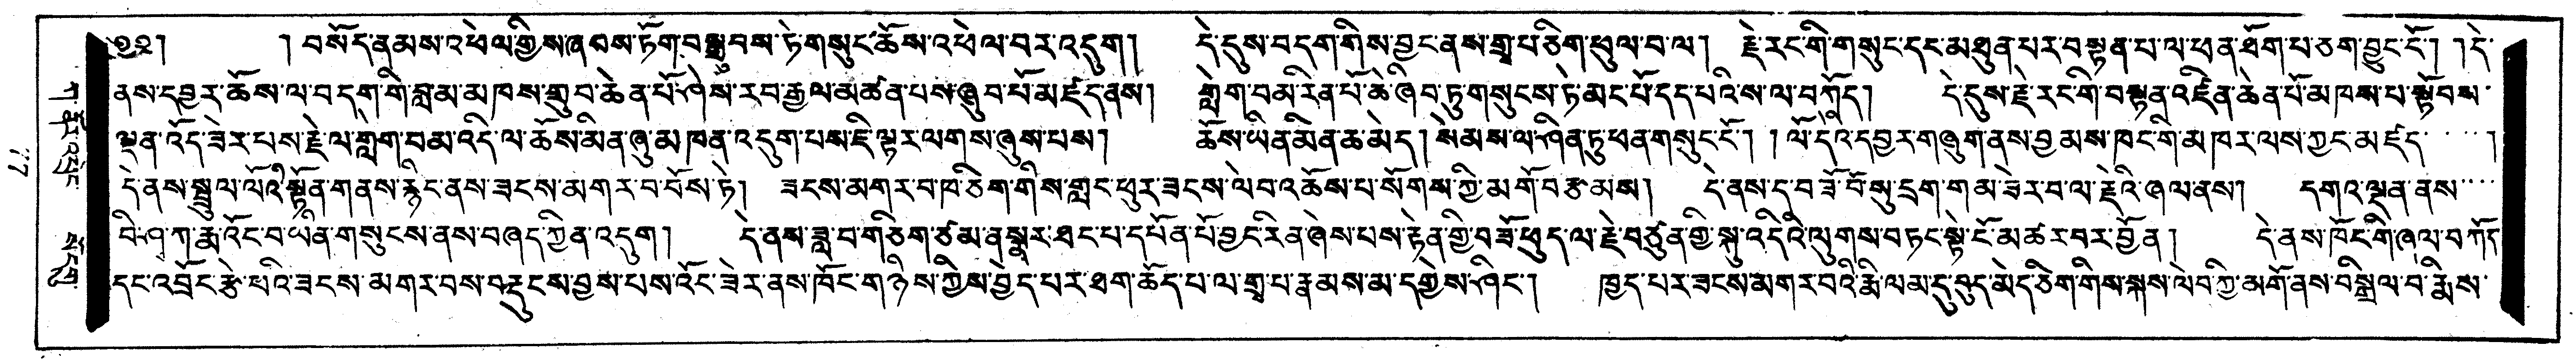༄༅། །བསོད་ནམས་འཕེལ་གྱིས་ཞབས་ཏོག་བསྒྲུབས་ཏེ་གསུང་ཆོས་འཕེལ་བར་འདུག། དེ་དུས་བདག་གིས་བྱང་ནས་གྲྭ་པ་ཅིག་ཕུལ་བ་ལ། རྗེ་རང་གི་གསུང་དང་མཐུན་པར་བསྟན་པ་ལ་ཕན་ཐོག་པ་ཅག་བྱུང་ངོ། །དེ་
ནས་དབྱར་ཆོས་ལ་བདག་གི་བླ་མ་མཁས་གྲུབ་ཆེན་པོ་ཤེས་རབ་རྒྱལ་མཚན་པས་ཞུབ་པོ་མཛད་ནས། གླེག་བམ་རིན་པོ་ཆེ་ཞི་བ་ཏུ་གསུངས་ཏེ་མང་པོ་དད་པའི་ས་ལ་བཀོད། དེ་དུས་རྗེ་རང་གི་བསྟན་འཛིན་ཆེན་པོ་མཁས་པ་སྟོབས་
ལྡན་འོད་ཟེར་པས་རྗེ་ལ་གླེག་བམ་འདི་ལ་ཆོས་མིན་ཞུ་མཁན་འདུག་པས་ཇི་ལྟར་ལགས་ཞུས་པས། ཆོས་ཡིན་མིན་ཆ་མེད། སེམས་ལ་ཤིན་ཏུ་ཕན་གསུང་ངོ། །ལོ་དེའི་དབྱར་གཞུག་ནས་བྱམས་ཁང་གི་མཁར་ལས་ཀྱང་མཛད།
དེ་ནས་སྦྲུལ་ལོའི་སྟོན་གནས་རྙིང་ནས་ཟངས་མགར་བ་བོས་ཏེ། ཟངས་མགར་བ་ཁ་ཅིག་གིས་གླང་ཕུར་ཟངས་ལེ་བ་འཆོས་པ་སོགས་ཀྱི་མགོ་བརྩམས། དེ་ནས་ད་བཟོ་བོ་སུ་དྲུག་གམ་ཟེར་བ་ལ་རྗེའི་ཞལ་ནས། དགའ་ལྡན་ནས་
བི་ཤྭ་ཀ་རྨ་འོང་བ་ཡིན་གསུངས་ནས་བཞད་ཀྱིན་འདུག། དེ་ནས་ཟླ་བ་གཅིག་ཙམ་ན་སྣར་ཐང་པ་དཔོན་པོ་བྱང་རིན་ཞེས་པས་རྟེན་གྱི་བཟོ་ཕུད་ལ་རྗེ་བཙུན་གྱི་སྐུ་འདིའི་ལུགས་བཏང་སྟེ་ངོ་མཚར་བར་བྱོན། དེ་ནས་ཁོང་གི་ཞལ་བཀོད་
དང་འབྲོང་རྩེ་པའི་ཟངས་མགར་བས་བརྡུངས་བྱས་པས་འོང་ཟེར་ནས་ཁོང་གཉིས་ཀྱིས་བྱེད་པར་ཐག་ཆོད་པ་ལ་གྲྭ་པ་རྣམས་མ་དགྱེས་ཤིང་། ཁྱད་པར་ཟངས་མགར་བའི་རྨི་ལམ་དུ་བུད་མེད་ཅིག་གིས་སྐབས་ལེབ་ཀྱི་མགོ་ནས་བསྒྲིལ་བ་རྨིས་